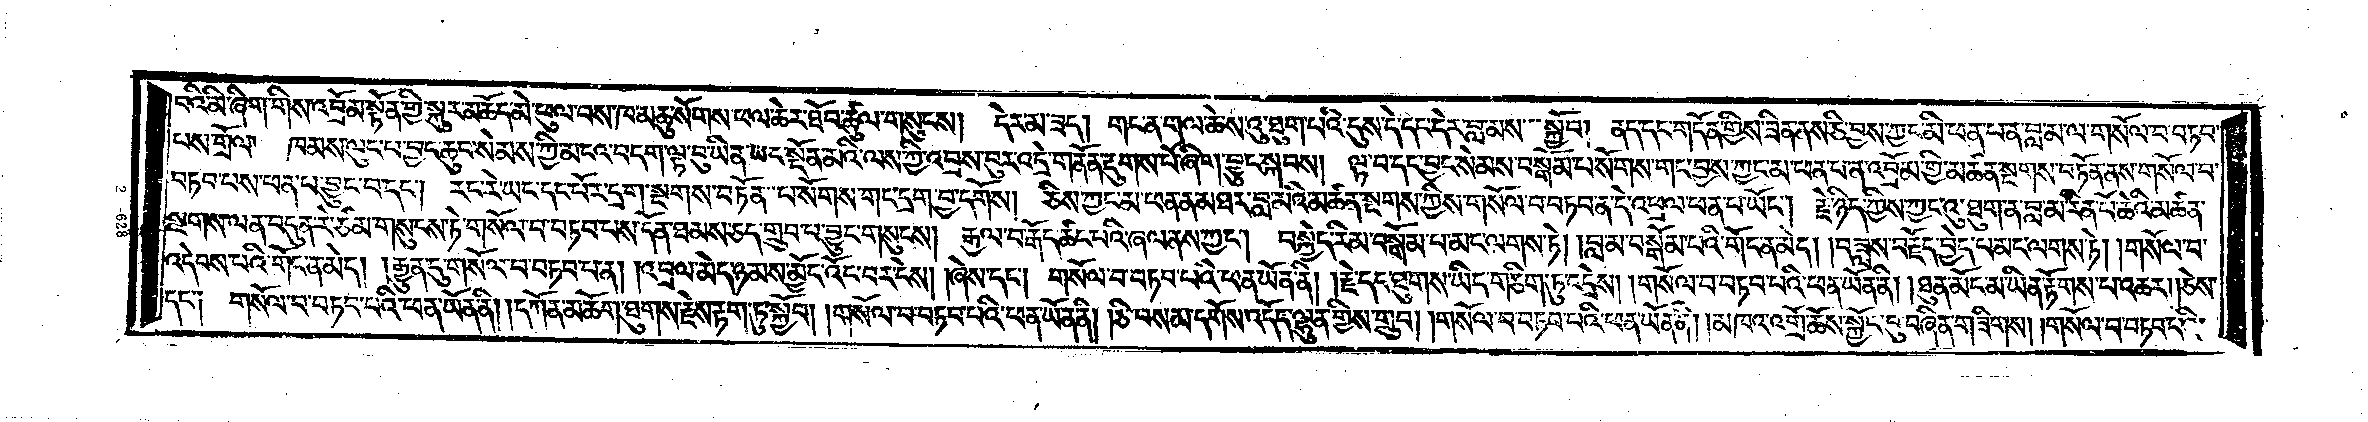བའི་མི་ཞིག་གིས་འབྲོམ་སྟོན་གྱི་སྐུར་མཆོད་མེ་ཕུལ་བས་ཁ་མཆུ་སོགས་ཕལ་ཆེར་ཐོབ་ཚུལ་གསུངས། དེར་མ་ཟད། གང་ན་གལ་ཆེས་འུ་ཐུག་པའི་དུས་དེ་དང་དེར་བླ་མས་སྐྱོབ། ནད་དང་གདོན་གྱིས་ཟིན་ནས་ཅི་བྱས་ཀྱང་མི་ཕན་པ་ན་བླ་མ་ལ་གསོལ་བ་བཏབ་
པས་གྲོལ། ཁམས་ལུང་པ་བྱང་ཆུབ་སེམས་ཀྱི་མངའ་བདག་ལྟ་བུ་ཡིན་ཡང་སྔོན་མའི་ལས་ཀྱི་འབྲས་བུར་འདེ་གནོན་རྡུགས་པོ་ཞིག་བྱུང་སྐབས། ལྟ་པ་དང་བྱང་སེམས་བསྒོམ་པ་སོགས་གང་བྱས་ཀྱང་མ་ཕན་པ་ན་འབྲོམ་གྱི་མཚན་སྔགས་བཏོན་ནས་གསོལ་བ་
བཏབ་པས་ཕན་པ་བྱུང་བ་དང་། རང་རེ་རེ་ཡང་དང་པོར་དྲག་སྔགས་བཏོན་པ་སོགས་གང་དྲག་བྱ་དགོས། ཅིས་ཀྱང་མ་ཕན་ན་མཐར་བླ་མའི་མཚན་སྔགས་ཀྱིས་གསོལ་བ་བཏབ་ན་དེ་འཕྲལ་ཕན་པ་ཡོང་། རྗེ་ཉིད་ཀྱིས་ཀྱང་འུ་ཐུག་ན་བླ་མ་རིན་པོ་ཆེའི་མཚན་
སྔགས་ལན་བདུན་རེ་ཙམ་གསུངས་ཏེ་གསོལ་བ་བཏབ་པས་དོན་ཐམས་ཅད་གྲུབ་པ་བྱུང་གསུངས། རྒྱལ་བ་རྒོད་ཚང་པའི་ཞལ་ནས་ཀྱང་། བསྐྱེད་རིམ་བསྒོམ་པ་མང་ལགས་ཏེ། །བླ་མ་བསྒོམ་པའི་གོང་ན་མེད། །བཟླས་བརྗོད་བྱེད་པ་མང་ལགས་ཏེ། །གསོལ་བ་
འདེབས་པའི་གོང་ན་མེད། །རྒྱུན་དུ་གསོལ་བ་བཏབ་པ་ན། །འབྲལ་མེད་ཉམས་མྱོང་འོང་བར་ངེས། །ཞེས་དང་གསོལ་བ་བཏབ་པའི་ཕན་ཡོན་ནི། །རྗེ་དང་ཐུགས་ཡིད་གཅིག་ཏུ་འདྲེས། །གསོལ་བ་བཏབ་པའི་ཕན་ཡོན་ནི། །ཐུན་མོང་མ་ཡིན་རྟོགས་པ་འཆར། །ཅེས་
དང༑ གསོལ་བ་བཏབ་པའི་ཕན་ཡོན་ནི། །དཀོན་མཆོག་ཐུགས་རྗེས་རྟག་ཏུ་སྐྱོབ། །གསོལ་བ་བཏབ་པའི་ཕན་ཡོན་ནི། །ཅི་བསམ་དགོས་འདོད་ལྷུན་གྱིས་གྲུབ། །གསོལ་བ་བཏབ་པའི་ཕན་ཡོན་ནི། །མཁའ་འགྲོ་ཆོས་སྐྱོང་བུ་བཞིན་གཟིགས། །གསོལ་བ་བཏབ་པའི་